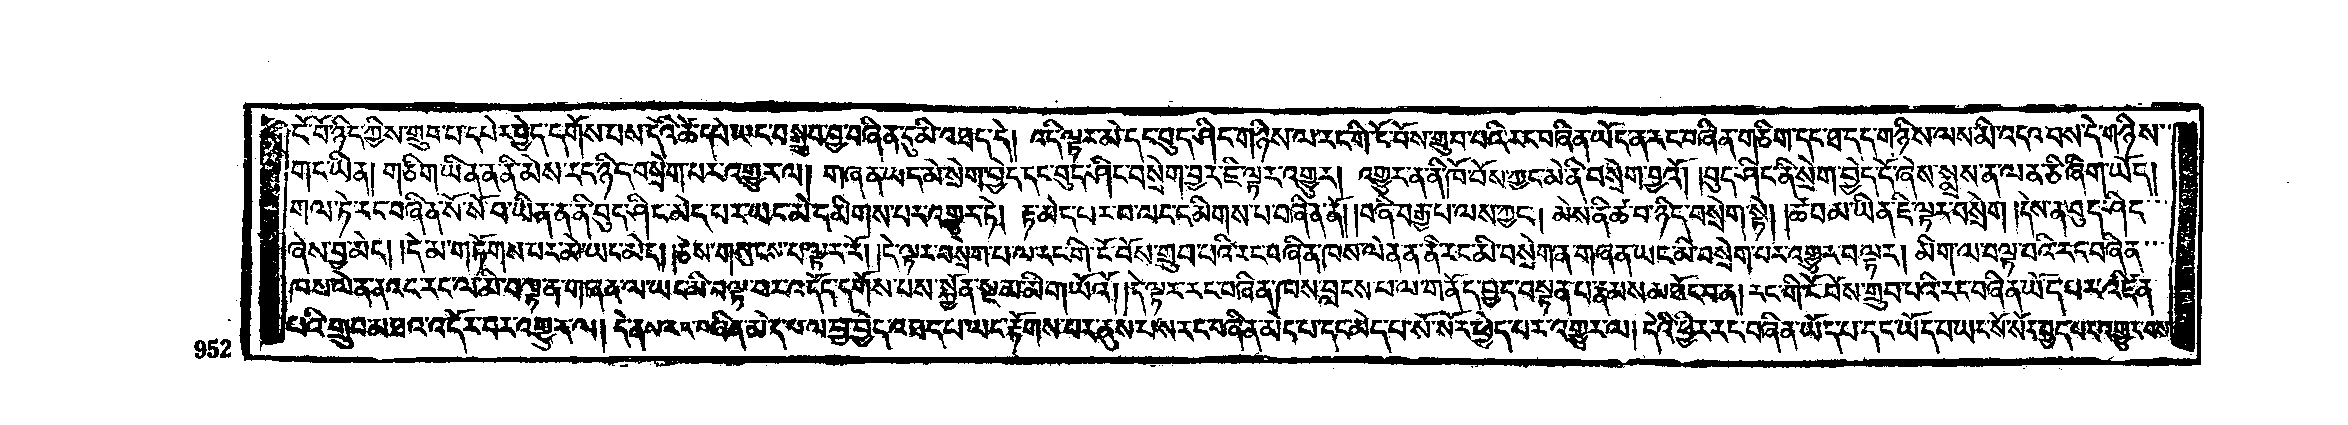ངོ་བོ་ཉིད་ཀྱིས་གྲུབ་པ་དཔེར་བྱེད་དགོས་པས་དེའི་ཚེ་དཔེ་ཡང་བསྒྲུབ་བྱ་བཞིན་དུ་མི་འཐད་དེ། འདི་ལྟར་མེ་དང་བུད་ཤིང་གཉིས་ལ་རང་གི་ངོ་བོས་གྲུབ་པའི་རང་བཞིན་ཡོད་ན་རང་བཞིན་གཅིག་དང་ཐ་དད་གཉིས་ལས་མི་འདའ་བས་དེ་གཉིས་
གང་ཡིན། གཅིག་ཡིན་ན་ནི་མེས་རང་ཉིད་བསྲེག་པར་འགྱུར་ལ། གཞན་ཡང་མེ་སྲེག་བྱེད་དང་བུད་ཤིང་བསྲེག་བྱར་ཇི་ལྟར་འགྱུར། འགྱུར་ན་ནི་ཁོ་བོས་ཀྱང་མེ་ནི་བསྲེག་བྱའོ། །བུད་ཤིང་ནི་སྲེག་བྱེད་དོ་ཞེས་སྨྲས་ན་ལན་ཅི་ཞིག་ཡོད།
གལ་ཏེ་རང་བཞིན་སོ་སོ་བ་ཡིན་ན་ནི་བུད་ཤིང་མེད་པར་ཡང་མེ་དམིགས་པར་འགྱུར་ཏེ། རྟ་མེད་པར་བ་ལང་དམིགས་པ་བཞིན་ནོ། །བཞི་བརྒྱ་པ་ལས་ཀྱང་། མེས་ནི་ཚ་བ་ཉིད་བསྲེག་སྟེ། །ཚ་བ་མ་ཡིན་ཇི་ལྟར་བསྲེག །དེས་ན་བུད་ཤིང་
ཞེས་བྱ་མེད། །དེ་མ་གཏོགས་པར་མེ་ཡང་མེད། །ཅེས་གསུངས་པ་ལྟར་རོ། །དེ་ལྟར་བསྲེག་པ་ལ་རང་གི་ངོ་བོས་གྲུབ་པའི་རང་བཞིན་ཁས་ལེན་ན་ནི་རང་མི་བསྲེག་ན་གཞན་ཡང་མི་བསྲེག་པར་འགྱུར་བ་ལྟར། མིག་ལ་བལྟ་བའི་རང་བཞིན་
ཁས་ལེན་ནའང་རང་ལ་མི་བལྟ་ན་གཞན་ལ་ཡང་མི་བལྟ་བར་འདོད་དགོས་པས་སྐྱོན་སྔ་མ་མི་གཡོའོ། །དེ་ལྟར་རང་བཞིན་ཁས་བླངས་པ་ལ་གནོད་བྱེད་བསྟན་པ་རྣམས་མཐོང་བ་ན། རང་གི་ངོ་བོས་གྲུབ་པའི་རང་བཞིན་ཡོད་པར་འཛིན་
པའི་གྲུབ་མཐའ་འདོར་བར་འགྱུར་ལ། དེ་ནས་རང་བཞིན་མེད་པ་ལ་བྱ་བྱེད་འཐད་པ་ཡང་རྟོགས་པར་ནུས་པས་རང་བཞིན་མེད་པ་དང་མེད་པ་སོ་སོར་ཕྱེད་པར་འགྱུར་ལ། དེའི་ཕྱིར་རང་བཞིན་ཡོད་པ་དང་ཡོད་པ་ཡང་སོ་སོར་ཕྱེད་པར་འགྱུར་བས་